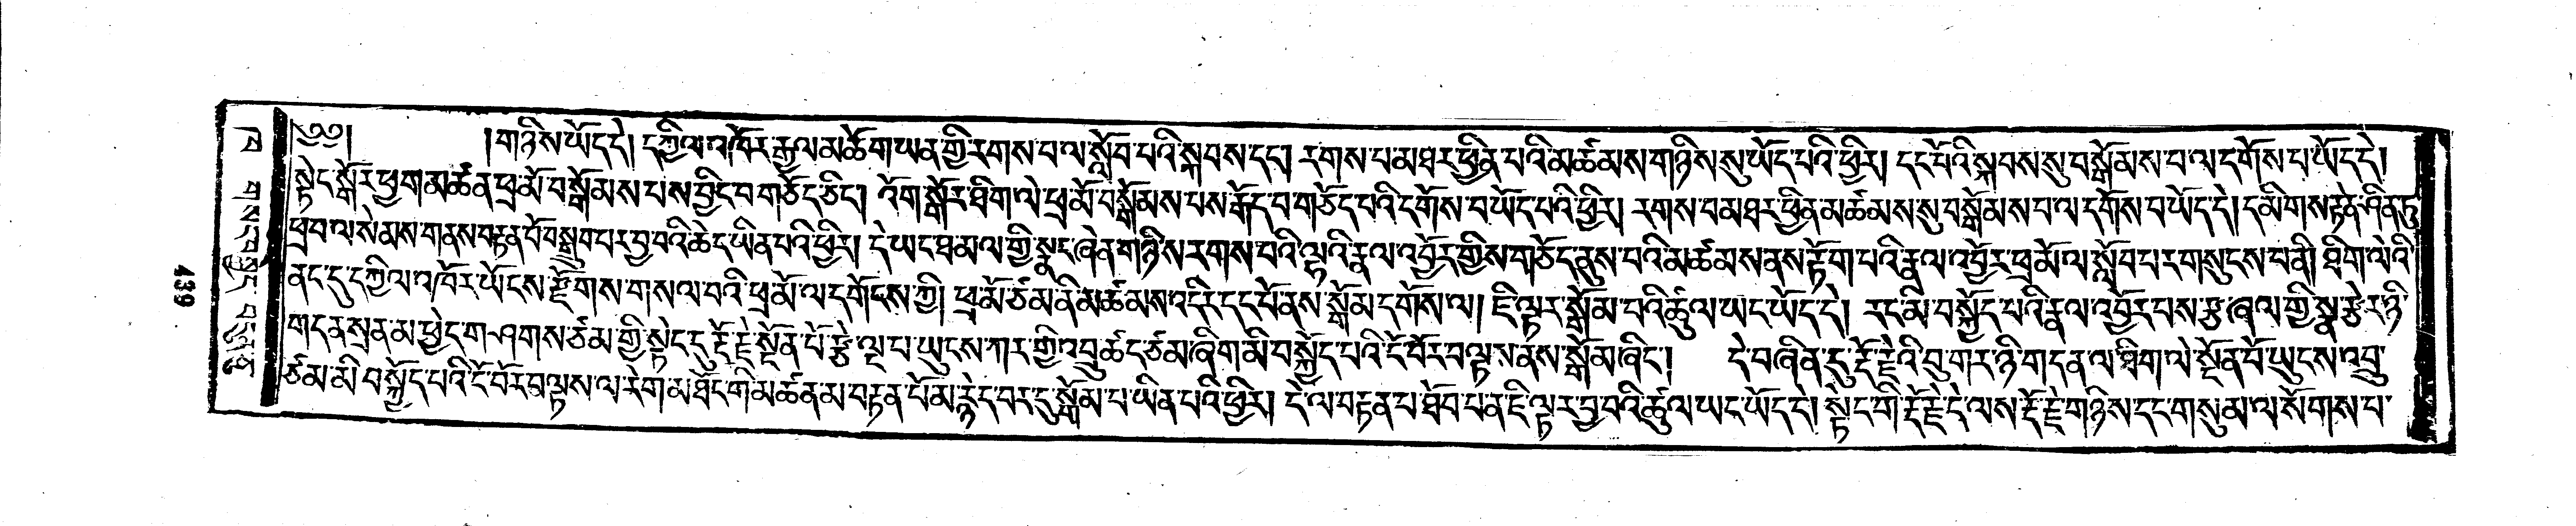༄༅། །གཉིས་ཡོད་དེ། དཀྱིལ་འཁོར་རྒྱལ་མཆོག་ཡན་གྱི་རགས་པ་ལ་སློབ་པའི་སྐབས་དང་། རགས་པ་མཐར་ཕྱིན་པའི་མཚམས་གཉིས་སུ་ཡོད་པའི་ཕྱིར། དང་པོའི་སྐབས་སུ་བསྒོམས་པ་ལ་དགོས་པ་ཡོད་དེ།
སྟེང་སྒོར་ཕྱག་མཚན་ཕྲ་མོ་བསྒོམས་པས་བྱིང་བ་གཅོད་ཅིང་། འོག་སྒོར་ཐིག་ལེ་ཕྲ་མོ་བསྒོམས་པས་རྒོད་པ་གཅོད་པའི་དགོས་པ་ཡོད་པའི་ཕྱིར། རགས་པ་མཐར་ཕྱིན་མཚམས་སུ་བསྒོམས་པ་ལ་དགོས་པ་ཡོད་དེ། དམིགས་རྟེན་ཤིན་ཏུ་
ཕྲ་བ་ལ་སེམས་གནས་བརྟན་པོ་བསྒྲུབ་པར་བྱ་བའི་ཆེད་ཡིན་པའི་ཕྱིར། དེ་ཡང་ཐ་མལ་གྱི་སྣང་ཞེན་གཉིས་རགས་པའི་ལྷའི་རྣལ་འབྱོར་གྱིས་གཅོད་ནུས་པའི་མཚམས་ནས་རྟོག་པའི་རྣལ་འབྱོར་ཕྲ་མོ་ལ་སློབ་པར་གསུངས་པ་ནི། ཐིག་ལེའི་
ནང་དུ་དཀྱིལ་འཁོར་ཡོངས་རྫོགས་གསལ་བའི་ཕྲ་མོ་ལ་དགོངས་ཀྱི། ཕྲ་མོ་ཙམ་ནི་མཚམས་འདིར་དང་པོ་ནས་སྒོམ་དགོས་ལ། ཇི་ལྟར་སྒོམ་པའི་ཚུལ་ཡང་ཡོད་དེ། རང་མི་བསྐྱོད་པའི་རྣལ་འབྱོར་པས་རྩ་ཞལ་གྱི་སྣ་རྩེར་ཉི་
གདན་སྲན་མ་ཕྱེད་གཤགས་ཙམ་གྱི་སྟེང་དུ་རྡོ་རྗེ་སྔོན་པོ་རྩེ་ལྔ་པ་ཡུངས་ཀར་གྱི་འབྲུ་ཚད་ཙམ་ཞིག་མི་བསྐྱོད་པའི་ངོ་བོར་བལྟས་ནས་སྒོམ་ཞིང་། དེ་བཞིན་དུ་རྡོ་རྗེའི་བུ་གར་ཉི་གདན་ལ་ཐིག་ལེ་སྔོན་པོ་ཡུངས་འབྲུ་
ཙམ་མི་བསྐྱོད་པའི་ངོ་བོར་བལྟས་ལ་རེག་མཐོང་གི་མཚན་མ་བརྟན་པོ་མ་རྙེད་པར་དུ་སྒོམ་པ་ཡིན་པའི་ཕྱིར། དེ་ལ་བརྟན་པ་ཐོབ་པ་ན་ཇི་ལྟར་བྱ་བའི་ཚུལ་ཡང་ཡོད་དེ། སྟེང་གི་རྡོ་རྗེ་དེ་ལས་རྡོ་རྗེ་གཉིས་དང་གསུམ་ལ་སོགས་པ་